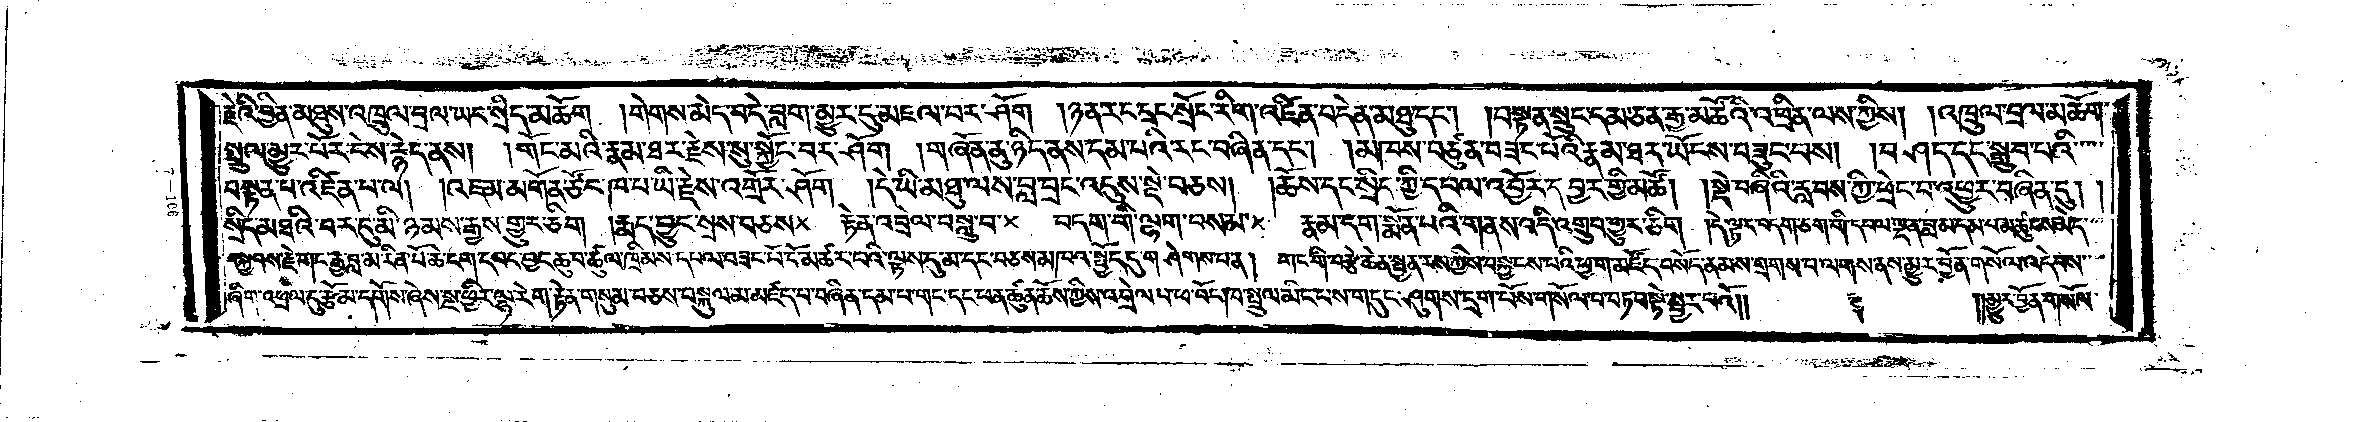རྗེའི་བྱིན་མཐུས་འཁྲུལ་བྲལ་ཡང་སྲིད་མཆོག །གེགས་མེད་བདེ་བླག་མྱུར་དུ་མཇལ་བར་ཤོག །ཉན་རང་དྲང་སྲོང་རིག་འཛིན་བདེན་མཐུ་དང་། །བསྟན་སྲུང་དམ་ཅན་རྒྱ་མཚོའི་འཕྲིན་ལས་ཀྱིས། །འཁྲུལ་བྲལ་མཆོག་
སྤྲུལ་མྱུར་པོར་ངེས་རྙེད་ནས། །གོང་མའི་རྣམ་ཐར་རྗེས་སུ་སྐྱོང་བར་ཤོག །གཞོན་ནུ་ཉིད་ནས་དམ་པའི་རང་བཞིན་དང་། །མཁས་བཙུན་བཟང་པོའི་རྣམ་ཐར་ཡོངས་བཟུང་བས། །བཤད་དང་སྒྲུབ་པའི་
བསྟན་བ་འཛིན་པ་ལ། །འཇམ་མགོན་ཙོང་ཁ་པ་ཡི་རྗེས་འགྲོར་ཤོག །དེ་ཡི་མཐུ་ལས་བླ་བྲང་འདུས་སྡེ་བཅས། །ཆོས་དང་སྲིད་ཀྱི་དཔལ་འབྱོར་དབྱར་གྱི་མཚོ། །སྡེ་བཞིའི་རླབས་ཀྱི་ཕྲེང་བ་འཕྱུར་བཞིན་དུ། །
སྲིད་མཐའི་བར་དུ་མི་ཉམས་རྒྱས་གྱུར་ཅིག །རྨད་བྱུང་སྲས་བཅས་྾་རྟེན་འབྲེལ་བསླུ་བ་྾་བདག་གི་ལྷག་བསམ་྾་རྣམ་དག་སྨོན་པའི་གནས་འདི་འགྲུབ་གྱུར་ཅིག །དེ་ལྟར་བདག་ཅག་གི་དཔལ་ལྡན་བླ་མ་དམ་པ་མཆུངས་མེད་
༧སྐྱབས་རྗེ་གང་རྒྱ་བླ་མ་རིན་པོ་ཆེ་ངག་དབང་བྱང་ཆུབ་ཚུལ་ཁྲིམས་དཔལ་བཟང་པོ་ངོ་མཚར་བའི་ལྟས་དུ་མ་དང་བཅས་མཁའ་སྤྱོད་དུ་གཤེགས་པ་ན། གང་གི་བརྩེ་ཆེན་སྤྱན་རས་ཀྱིས་བསྐྱངས་པའི་ཕྱག་མཛོད་བསོད་ནམས་གྲགས་བ་ལགས་ནས་མྱུར་བྱོན་གསོལ་འདེབས་
ཞིག་འགྲལ་དུ་རྩོམ་དགོས་ཞེས་སྔ་ཕྱིར་ལྷ་རེག་རྟེན་གསུམ་བཅས་བསྐུལ་མ་མཛད་པ་བཞིན་དམ་པ་གང་དང་ཕན་ཚུན་ཆོས་ཀྱིས་འབྲེལ་བ་ཕ་བོང་ཁ་སྤྲུལ་མིང་པས་གདུང་ཤུགས་དྲག་པོས་གསོལ་བ་བཏབ་སྟེ་སྦྱར་བའོ།། ༈ །།མྱུར་བྱོན་གསོལ་